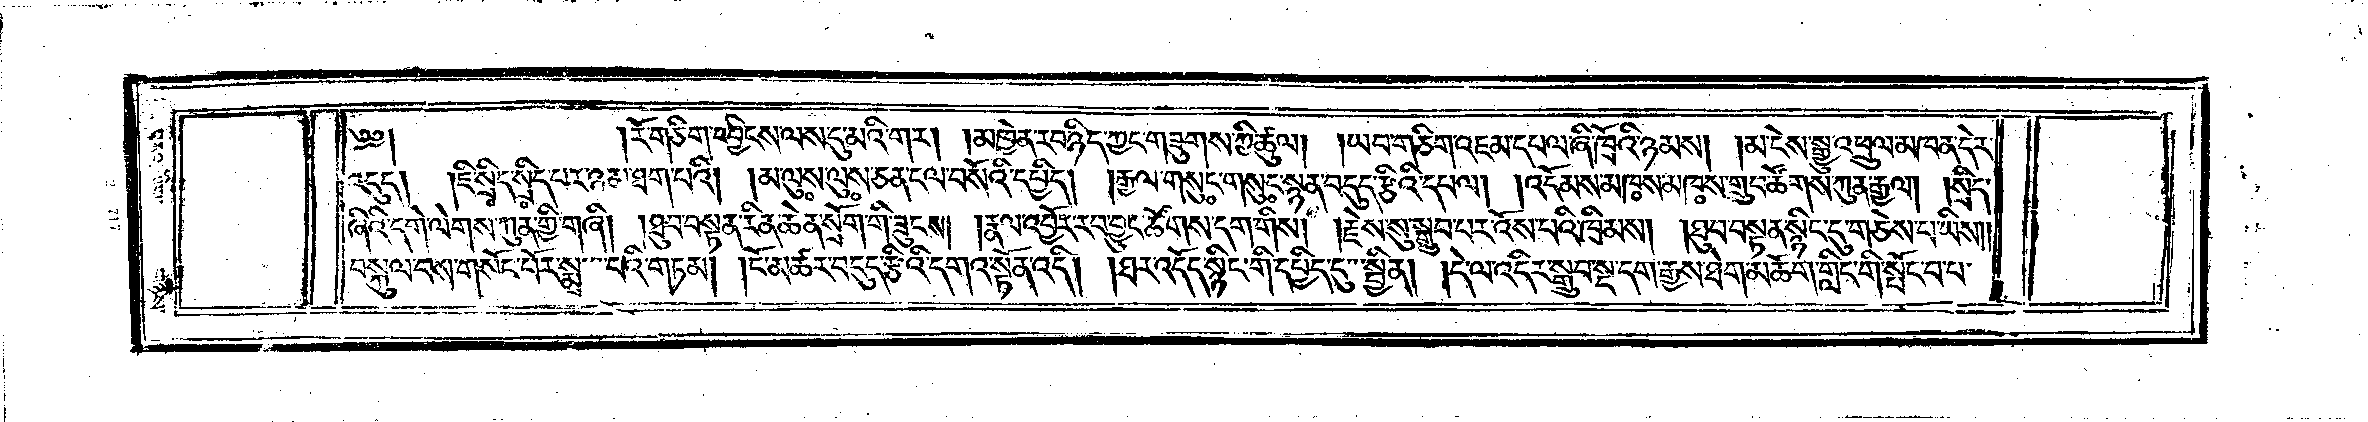༄༅། །རོ་གཅིག་འབྱིངས་ལས་དུ་མའི་གར། །མཁྱེན་རབ་ཉིད་ཀྱང་གཟུགས་ཀྱི་ཚུལ། །ཡབ་གཅིག་འཇམ་དཔལ་ཞི་ཁྲོའི་ཉམས། །མ་ངེས་སྒྱུ་འཕྲུལ་མཁན་དེར་
འདུད། །ཇི་སྲིད་སྲིད་པར་ཉམ་ཐག་པའི། །མ་ལུས་ལུས་ཅན་ངལ་བསོའི་དཔྱིད། །རྒྱལ་གསུང༠་གསུང༠་སྙན་བདུད་རྩིའི་དཔལ། །འདོམས་མཁས༠་མཁས༠་གྲུབ་ཚོགས་ཀུན་རྒྱལ། །སྲིད་
ཞིའི་དགེ་ལེགས་ཀུན་གྱི་གཞི། །ཐུབ་བསྟན་རིན་ཆེན་སྲོག་གི་ཟུངས། །རྣལ་འབྱོར་རབ་བྱུང་ཚོགས་དག་གིས། །རྗེས་སུ་སྒྲུབ་པར་འོས་པའི་ཁྲིམས། །ཐུབ་བསྟན་སྙིང་དུ་གཅེས་པ་ཡིས།།
བསྐུལ་བས་གསོང་པོར་སྨྲ་བའི་གཏམ། །ངོ་མཚར་བདུད་རྩིའི་དགའ་སྟོན་འདི། །ཐར་འདོད་སྙིང་གི་དཔྱིད་དུ་སྦྱིན། །དེ་ལ་འདིར་སྒྲུབ་སྔ་དག་རྒྱས་ཐེག་མཆོག་གླིང་གི་སྤོང་བ་པ་